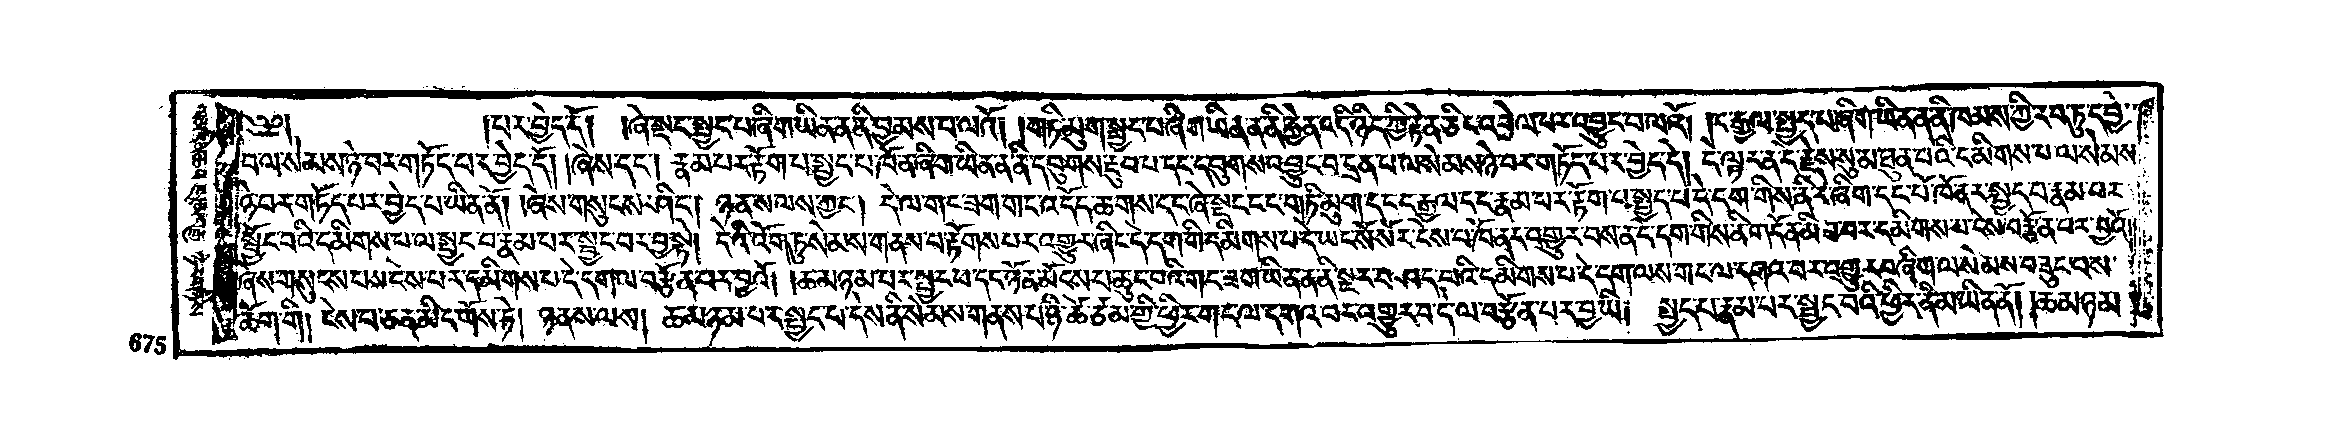༄༅། །པར་བྱེད་དོ། །ཞེ་སྡང་སྤྱད་པ་ཞིག་ཡིན་ན་ནི་བྱམས་པ་ལའོ། །གཏི་མུག་སྤྱད་པ་ཞིག་ཡིན་ན་ནི་རྐྱེན་འདི་ཉིད་ཀྱི་རྟེན་ཅིང་འབྲེལ་བར་འབྱུང་བ་ལའོ། །ང་རྒྱལ་སྤྱད་པ་ཞིག་ཡིན་ན་ནི་ཁམས་ཀྱི་རབ་ཏུ་དབྱེ་
བ་ལ་སེམས་ཉེ་བར་གཏོད་པར་བྱེད་དོ། །ཞེས་དང་། རྣམ་པར་རྟོག་པ་སྤྱད་པ་ཁོ་ན་ཞིག་ཡིན་ན་ནི་དབུགས་རྡུབ་པ་དང་དབུགས་འབྱུང་བ་དྲན་པ་ལ་སེམས་ཉེ་བར་གཏོད་པར་བྱེད་དེ། དེ་ལྟར་ན་དེ་རྗེས་སུ་མཐུན་པའི་དམིགས་པ་ལ་སེམས་
ཉེ་བར་གཏོད་པར་བྱེད་པ་ཡིན་ནོ། །ཞེས་གསུངས་ཤིང་། ཉན་ས་ལས་ཀྱང་། དེ་ལ་གང་ཟག་གང་འདོད་ཆགས་དང་ཞེ་སྡང་དང་གཏི་མུག་དང་ང་རྒྱལ་དང་རྣམ་པར་རྟོག་པ་སྤྱད་པ་དེ་དག་གིས་ནི་རེ་ཞིག་དང་པོ་ཁོ་ནར་སྤྱད་པ་རྣམ་པར་
སྦྱོང་བའི་དམིགས་པ་ལ་སྤྱད་པ་རྣམ་པར་སྦྱང་བར་བྱ་སྟེ། དེའི་འོག་ཏུ་སེམས་གནས་པ་རྟོགས་པར་འགྱུར་ཞིང་དེ་དག་གི་དམིགས་པ་དེ་ཡང་སོ་སོར་ངེས་པ་ཁོ་ནར་འགྱུར་བས་ན་དེ་དག་གིས་ནི་གདོན་མི་ཟ་བར་དམིགས་པ་དེས་བརྩོན་པར་བྱའོ། །
ཞེས་གསུངས་པས་ངེས་པར་དམིགས་པ་དེ་དག་ལ་བརྩོན་པར་བྱའོ། །ཆ་མཉམ་པར་སྤྱད་པ་དང་ཉོན་མོངས་པ་ཆུང་བའི་གང་ཟག་ཡིན་ན་ནི་སྔར་བཤད་པའི་དམིགས་པ་དེ་དག་ལས་གང་ལ་དགའ་བར་འགྱུར་བ་ཞིག་ལ་སེམས་བཟུང་བས་
ཆོག་གི། ངེས་པ་ཅན་མི་དགོས་ཏེ། ཉན་ས་ལས། ཆ་མཉམ་པར་སྤྱད་པ་དེས་ནི་སེམས་གནས་པ་ཉི་ཚེ་ཙམ་གྱི་ཕྱིར་གང་ལ་དགའ་བར་འགྱུར་བ་དེ་ལ་བརྩོན་པར་བྱ་ཡི། སྤྱད་པ་རྣམ་པར་སྦྱང་བའི་ཕྱིར་ནི་མ་ཡིན་ནོ། །ཆ་མཉམ་